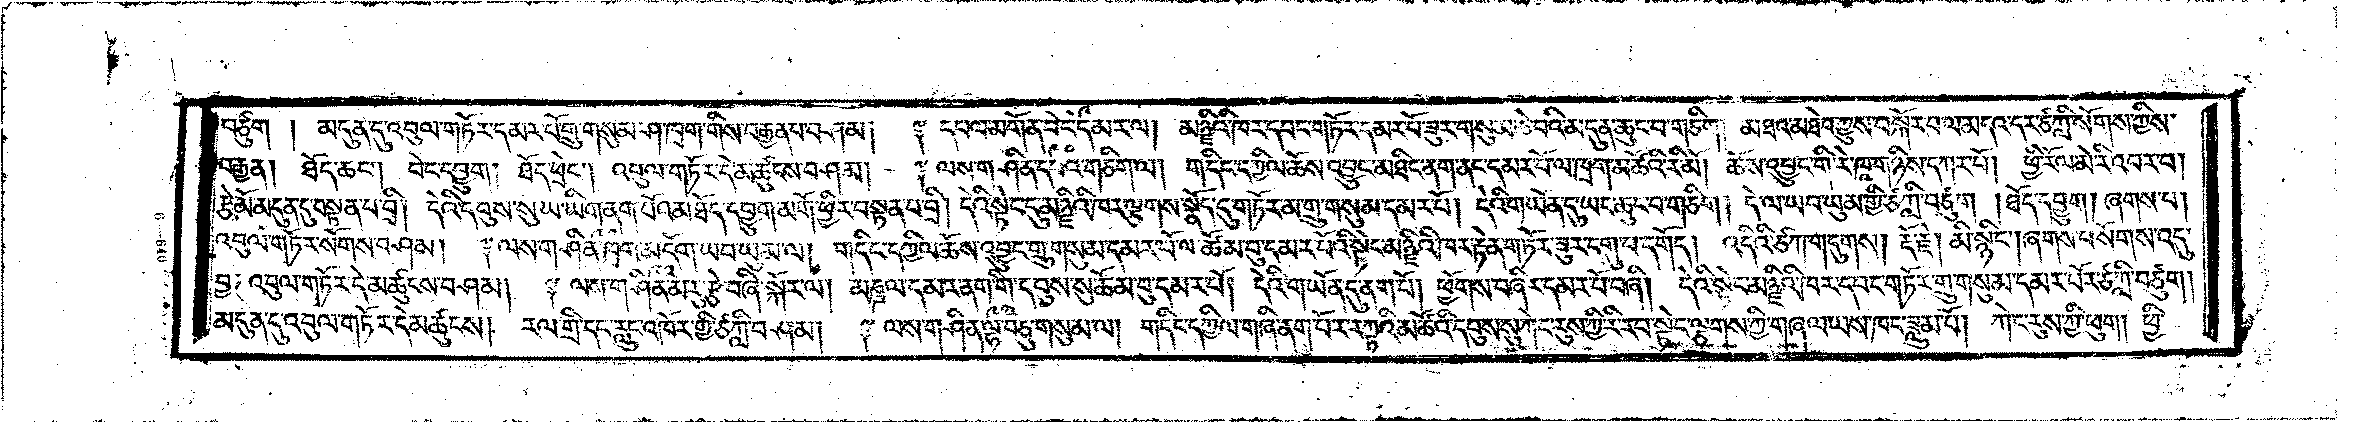བཙུག། མདུན་དུ་འབུལ་གཏོར་དམར་པོ་གྲུ་གསུམ་ཤ་ཁྲག་གིས་བརྒྱན་པ་བཤམ། ༈ དཔལ་མགོན་བེང་དམར་ལ། མཉྫིའི་ཁར་དབང་གཏོར་དམར་པོ་ཟུར་གསུམ་ཆེ་བའི་མདུན་ཆུང་བ་གཅིག ། མཐའ་མཐེབ་ཀྱུས་བསྐོར་བ་ལ་མདའ་དར་ཙཀླི་སོགས་ཀྱིས་
བརྒྱན། ཐོད་ཆང་། བེད་དབྱུག །ཐོད་ཕྲེང་། འབུལ་གཏོར་དེ་མཚུངས་བཤམ། ༈ ལས་གཤིན་དཔའ་གཅིག་ལ། གདིང་དཀྱིལ་ཆོས་འབྱུང་མཐིང་ནག་ནང་དམར་པོ་ལ་ཁྲག་མཚོའི་རི་མོ། ཆོས་འབྱུང་གི་རེ་ཁཱ་གཉིས་དཀར་པོ། ཕྱི་རོལ་མེ་རི་འབར་བ།
རྩེ་མོ་མདུན་དུ་བསྟན་པ་བྲི། དེའི་དབུས་སུ་ཡ་ཡིག་ནག་པོའམ་ཐོད་དབྱུག་མགོ་ཕྱིར་བསྟན་པ་བྲི། དེའི་སྟེང་དུ་མཉྫིའི་ཁར་ལྕགས་སྣོད་དུ་གཏོར་མ་གྲུ་གསུམ་དམར་པོ། དེའི་གཡོན་དུ་ཡང་ཆུང་བ་གཅིག། དེ་ལ་ཡབ་ཡུམ་གྱི་ཙཀླི་བཙུག །ཐོད་དབྱུག། ཞགས་པ།
འབུལ་གཏོར་སོགས་བཤམ། ༈ ལས་གཤིན་ཁྲག་མདོག་ཡབ་ཡུམ་ལ། གདིང་དཀྱིལ་ཆོས་འབྱུང་གྲུ་གསུམ་དམར་པོ་ལ་ཚོམ་བུ་དམར་པོའི་སྟེང་མཉྫིའི་ཁར་རྟེན་གཏོར་ཟུར་དགུ་པ་དགོད། འདིའི་ཙཀ་གདུགས། རྡོ་རྗེ། མི་སྙིང་། ཞགས་པ་སོགས་འདུ་
བྱ༑ འབུལ་གཏོར་དེ་མཚུངས་བཤམ། ༈ ལས་གཤིན་མ་རུ་རྩེ་བཞི་སྐོར་ལ། མཎྜལ་དམར་ནག་གི་དབུས་སུ་ཚོམ་བུ་དམར་པོ། དེའི་གཡོན་དུ་ནག་པོ། ཕྱོགས་བཞིར་དམར་པོ་བཞི། དེའི་སྟེང་མཉྫིའི་ཁར་དབང་གཏོར་གྲུ་གསུམ་དམར་པོར་ཙཀླི་བཙུག །
མདུན་དུ་འབུལ་གཏོར་དེ་མཚུངས། རལ་གྲི་དང་རླུང་འཁོར་གྱི་ཙཀླི་བཤམ། ༈ ལས་གཤིན་ལྷ་བཅུ་གསུམ་ལ། གདིང་དཀྱིལ་གཞི་ནག་པོར་རཀྟའི་མཚོའི་དབུས་སུ་ཀེང་རུས་ཀྱི་རི་རབ་སྟེང་ལྕགས་ཀྱི་གཞལ་ཡས་ཁང་ཟླུམ་པོ། ཀེང་རུས་ཀྱི་ཕུག། ཕྱི་